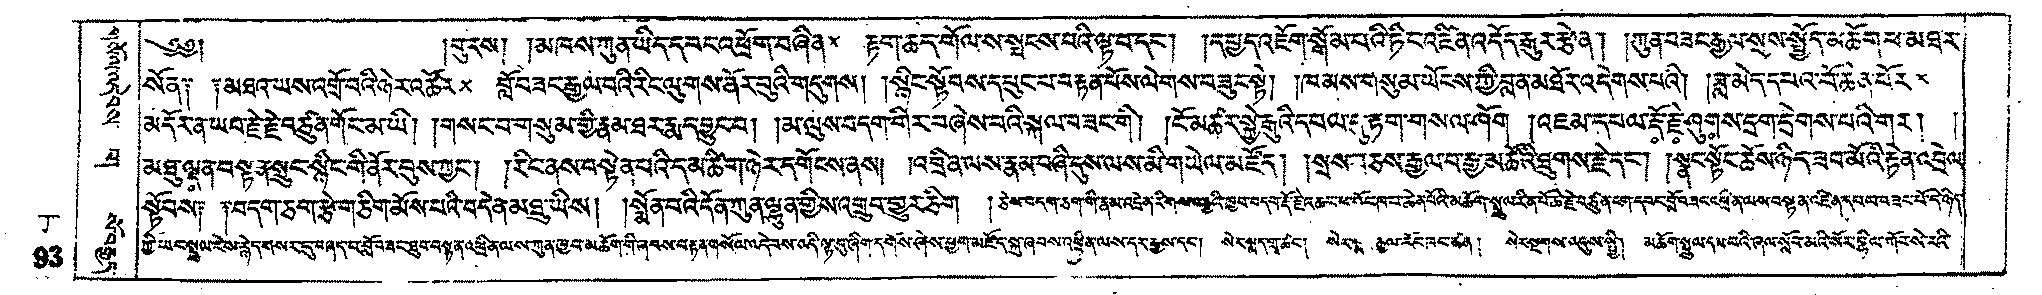༄༅། །བུ་རས། །མཁས་ཀུན་ཡིད་དབང་འཕྲོག་བཞིན་྾་རྟག་ཆད་གོལ་ས་སྤངས་པའི་ལྟ་བ་དང་། །དཔྱད་འཇོག་སྒོམ་པའི་ཏིང་འཛིན་འདོད་རྒྱུར་རྩེན། །ཀུན་བཟང་རྒྱལ་སྲས་སྤྱོད་མཆོག་ཕ་མཐར་
སོན༑ ༑མཐའ་ཡས་འགྲོ་བའི་ཉེར་འཚོར་྾་བློ་བཟང་རྒྱལ་བའི་རིང་ལུགས་ནོར་བུའི་གདུགས། །སྙིང་སྟོབས་དཔུང་པ་བརྟན་པོས་ལེགས་བཟུང་སྟེ། །ཁམས་གསུམ་ཡོངས་ཀྱི་བླ་ན་མཐོར་འདེགས་པའི། །ཟླ་མེད་དཔའ་བོ་ཆེན་པོར་྾་
མདོར་ན་ཡབ་རྗེ་རྗེ་བཙུན་གོང་མ་ཡི། །གསང་བ་གསུམ་གྱི་རྣམ་ཐར་རྨད་བྱུང་བ། །མ་ལུས་བདག་གིར་བཞེས་པའི་སྐལ་བཟང་གི། །ངོ་མཚར་སྐྱེ་རྒུའི་དཔལ་དུ་རྟག་གསལ་ཤོག །འཇམ་དཔལ་རྡོ྾་རྗེ྾་ཤུགས྾་དྲག་དྲེགས་པའི་གར། །
མཐུ་ལྡན྾་བསྟན་སྲུང་སྙིང་གི་ནོར་བུས་ཀྱང་། །རིང་ནས་བསྟེན་པའི་དམ་ཚིག་ཉེར་དགོངས་ནས། །འཕྲིན་ལས་རྣམ་བཞི་དུས་ལས་མི་གཡེལ་མཛོད། །སྲས་བཅས་རྒྱལ་བ་རྒྱ་མཚོའི་ཐུགས་རྗེ་དང་། །སྣང་སྟོང་ཆོས་ཉིད་ཟབ་མོའི་རྟེན་འབྲེལ་
སྟོབས༑ ༑བདག་ཅག་རྩེ་གཅིག་མོས་པའི་བདེན་མཐུ་ཡིས། །སྨོན་པའི་དོན་ཀུན་ལྷུན་གྱིས་འགྲུབ་གྱུར་ཅིག །ཅེས་བདག་ཅག་གི་རྣམ་འདྲེན་རིགས་བརྒྱའི་ཁྱབ་བདག་རྡོ་རྗེ་འཆང་ཕ་བོང་ཁ་པ་ཆེན་པོའི་མཆོག་སྤྲུལ་རིན་པོ་ཆེ་རྗེ་བཙུན་ངག་དབང་བློ་བཟང་འཕྲིན་ལས་བསྟན་འཛིན་དཔལ་བཟང་པོ་དེ་ཉིད་
ཀྱི་ཡང་སྤྲུལ་ངེས་རྙེད་གསར་དུ་བཞད་པ་བློ་བཟང་ཐུབ་བསྟན་འཕྲིན་ལས་ཀུན་ཁྱབ་མཆོག་གི་ཞབས་བརྟན་གསོལ་འདེབས་འདི་ལྟ་བུ་ཞིག་དགོས་ཞེས་ཕྱག་མཛོད་སྐུ་ཞབས་འཕྲིན་ལས་དར་རྒྱས་དང་། སེར་སྨད་གྲྭ་ཚང་། སེར་སྨད་རྒྱལ་རོང་ཁང་ཚན། སེར་སྔགས་འདུས་སྤྱི། མཆོག་སྤྲུལ་དམ་པའི་ཞལ་སློབ་མའི་སོར་བྷིལ་ཀོབ་སེ་རའི་